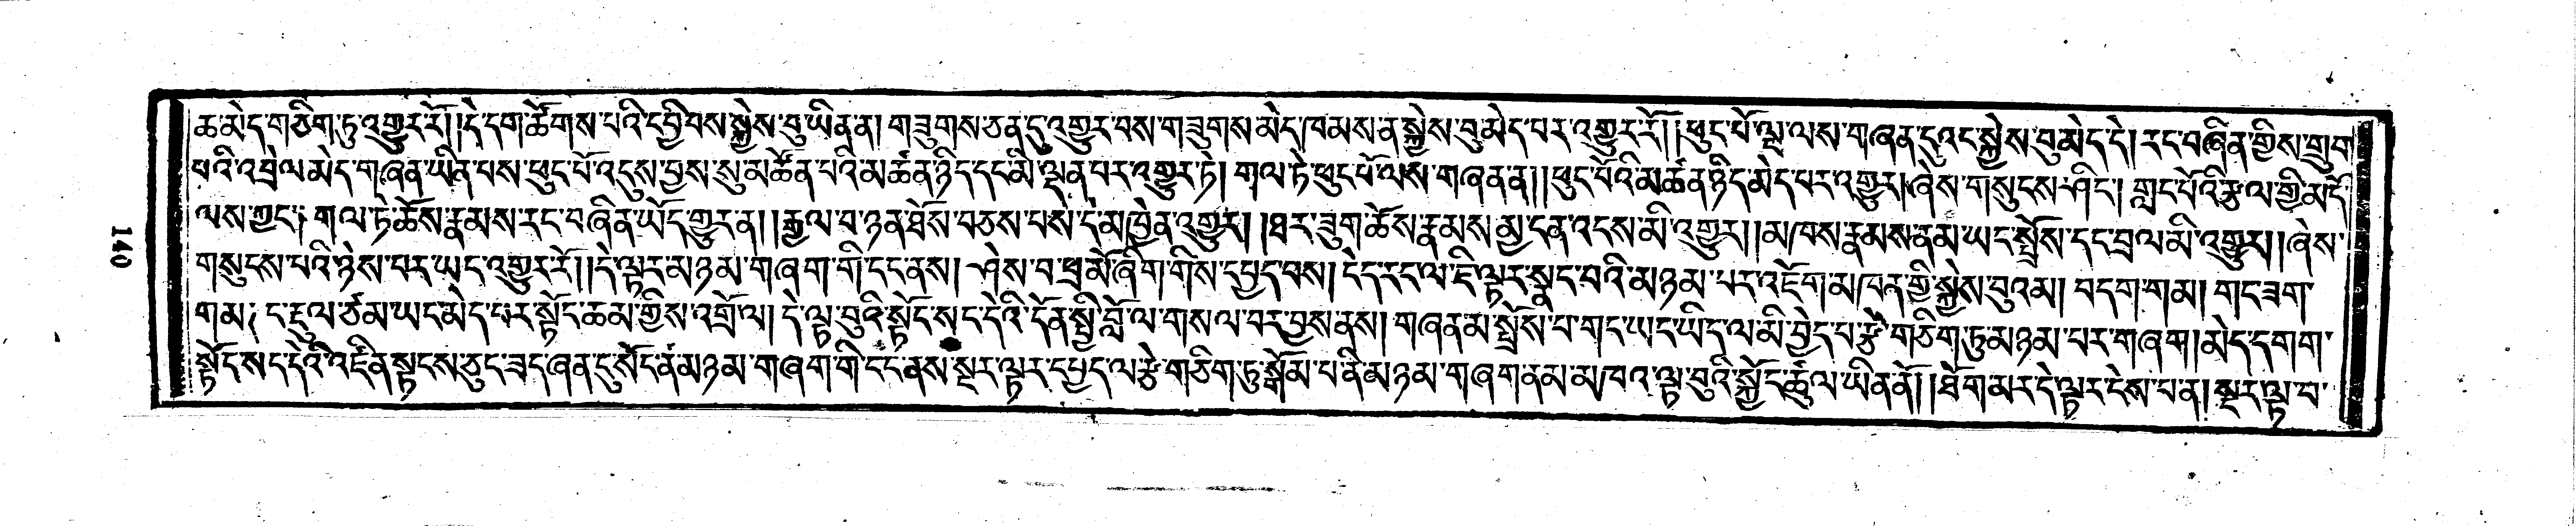ཆ་མེད་གཅིག་ཏུ་འགྱུར་རོ། །དེ་དག་ཚོགས་པའི་དབྱིབས་སྐྱེས་བུ་ཡིན་ན། གཟུགས་ཅན་དུ་འགྱུར་པས་གཟུགས་མེད་ཁམས་ན་སྐྱེས་བུ་མེད་པར་འགྱུར་རོ། །ཕུང་པོ་ལྔ་ལས་གཞན་དུའང་སྐྱེས་བུ་མེད་དེ། རང་བཞིན་གྱིས་གྲུབ་
པའི་འབྲེལ་མེད་གཞན་ཡིན་པས་ཕུང་པོ་འདུས་བྱས་སུ་མཚོན་པའི་མཚན་ཉིད་དང་མི་ལྡན་པར་འགྱུར་ཏེ། གལ་ཏེ་ཕུང་པོ་ལས་གཞན་ན། །ཕུང་པོའི་མཚན་ཉིད་མེད་པར་འགྱུར། ཞེས་གསུངས་ཤིང་། གླང་པོའི་རྩལ་གྱི་མདོ་
ལས་ཀྱང་། གལ་ཏེ་ཆོས་རྣམས་རང་བཞིན་ཡོད་གྱུར་ན། །རྒྱལ་བ་ཉན་ཐོས་བཅས་པས་དེ་མཁྱེན་འགྱུར། །ཐར་ཟུག་ཆོས་རྣམས་མྱ་ངན་འདས་མི་འགྱུར། །མཁས་རྣམས་ནམ་ཡང་སྤྲོས་དང་བྲལ་མི་འགྱུར། །ཞེས་
གསུངས་པའི་ཉེས་པར་ཡང་འགྱུར་རོ། །དེ་ལྟར་མཉམ་གཞག་གི་ངང་ནས། ཤེས་པ་ཕྲ་མོ་ཞིག་གིས་དཔྱད་པས། ངེད་རང་ལ་ཇི་ལྟར་སྣང་བའི་མཉམ་པར་འཇོག་མཁན་གྱི་སྐྱེས་བུའམ། བདག་གམ། གང་ཟག་
གམ། ང་རྡུལ་ཙམ་ཡང་མེད་པར་སྟོང་ཆམ་གྱིས་འགྲོ་ལ། དེ་ལྟ་བུའི་སྟོང་སང་དེའི་དོན་སྤྱི་བློ་ལ་གསལ་བར་བྱས་ནས། གཞན་མ་སྤྲོས་པ་གང་ཡང་ཡིད་ལ་མི་བྱེད་པ་རྩེ་གཅིག་ཏུ་མཉམ་པར་གཞག །མེད་དགག་
སྟོང་སང་དེའི་འཛིན་སྟངས་ཅུང་ཟད་ཞན་དུ་སོང་ན་མཉམ་གཞག་གི་ངང་ནས་སྔར་ལྟར་དཔྱད་ལ་རྩེ་གཅིག་ཏུ་སྒོམ་པ་ནི་མཉམ་གཞག་ནམ་མཁའ་ལྟ་བུའི་སྐྱོང་ཚུལ་ཡིན་ནོ། །ཐོག་མར་དེ་ལྟར་ངེས་པ་ན། སྔར་ལྟ་བ་